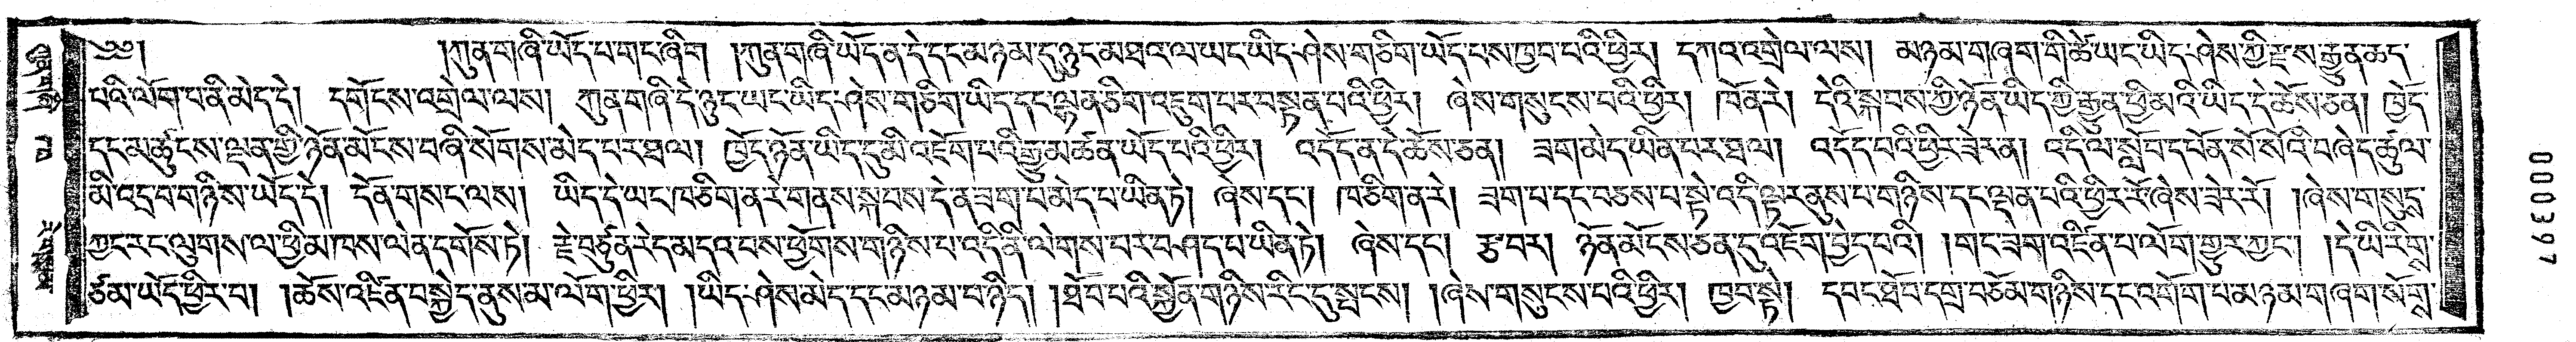༄༅། །ཀུན་གཞི་ཡོད་པ་གང་ཞིག །ཀུན་གཞི་ཡོད་ན་དེ་དང་མཉམ་དུ་ཉུང་མཐའ་ལ་ཡང་ཡིད་ཤེས་གཅིག་ཡོད་པས་ཁྱབ་པའི་ཕྱིར། དཀའ་འགྲེལ་ལས། མཉམ་གཞག་གི་ཚེ་ཡང་ཡིད་ཤེས་ཀྱི་རྫས་རྒྱུན་ཆད་
Fབའི་ལོག་བ་ནི་མེད་དེ། དགོངས་འགྲེལ་ལས། ཀུན་གཞི་དེ་ཉུང་ཡང་ཡིད་ཤེས་གཅིག་ཡིད་དང་ལྷན་ཅིག་འཇུག་པར་བསྟན་པའི་ཕྱིར། ཞེས་གསུངས་པའི་ཕྱིར། ཁོ་ན་རེ། དེའི་སྐབས་ཀྱི་ཉོན་ཡིད་ཀྱི་རྒྱུན་ཕྱི་མའི་ཡིད་དེ་ཆོས་ཅན། ཁྱོད་
དང་མཚུངས་ལྡན་ཀྱི་ཉོན་མོངས་བཞི་སོགས་མེད་པར་ཐལ། ཁྱོད་ཉོན་ཡིད་དུ་མི་འཇོག་པའི་རྒྱུ་མཚན་ཡོད་པའི་ཕྱིར། འདོད་ན་དེ་ཆོས་ཅན། ཟག་མེད་ཡིན་པར་ཐལ། འདོད་བའི་ཕྱིར་ཟེར་ན། འདི་ལ་སློབ་དཔོན་སོ་སོའི་བཞེད་ཚུལ་
མི་འདྲ་བ་གཉིས་ཡོད་དེ། དོན་གསང་ལས། ཡིད་དེ་ཡང་ཁ་ཅིག་ན་རེ་གནས་སྐབས་དེ་ན་ཟག་པ་མེད་པ་ཡིན་ཏེ། ཞེས་དང་། ཁ་ཅིག་ན་རེ། ཟག་པ་དང་བཅས་པ་སྟེ་འདི་ལར་ནུས་པ་གཉིས་དང་ལྡན་པའི་ཕྱིར་རོ་ཞེས་ཟེར་རོ། །ཞེས་གསུངས་
ཀྱང་རང་ལུགས་ལ་ཕྱི་མཁས་ལེན་དགོས་ཏེ། རྗེ་བཙུན་རེད་མདའ་བས་ཕྱོགས་གཉིས་པ་འདི་ནི་ལེགས་པར་བཤད་པ་ཡིན་ཏེ། ཞེས་དང་། རྩ་བར། ཉོན་མོངས་ཅན་དུ་འཇོག་བྱེད་པའི། །གང་ཟག་འཛིན་པ་ལོག་གྱུར་ཀྱང་། །དེ་ཡི་རིགས་
ཙམ་ཡོད་ཕྱིར་བ། །ཆོས་འཛིན་བསྐྱེད་ནུས་མ་ལོག་ཕྱིར། །ཡིད་ཤེས་མེད་དང་མཉམ་པ་ཉིད། །ཐོབ་པའི་སྐྱོན་གཉིས་རིང་དུ་སྤངས། །ཞེས་གསུངས་པའི་ཕྱིར། ཁྱབ་སྟེ། དབང་ཐོབ་དགྲ་བཅོམ་གཉིས་དང་འགོག་བ་མཉམ་གཞག་སོགས་